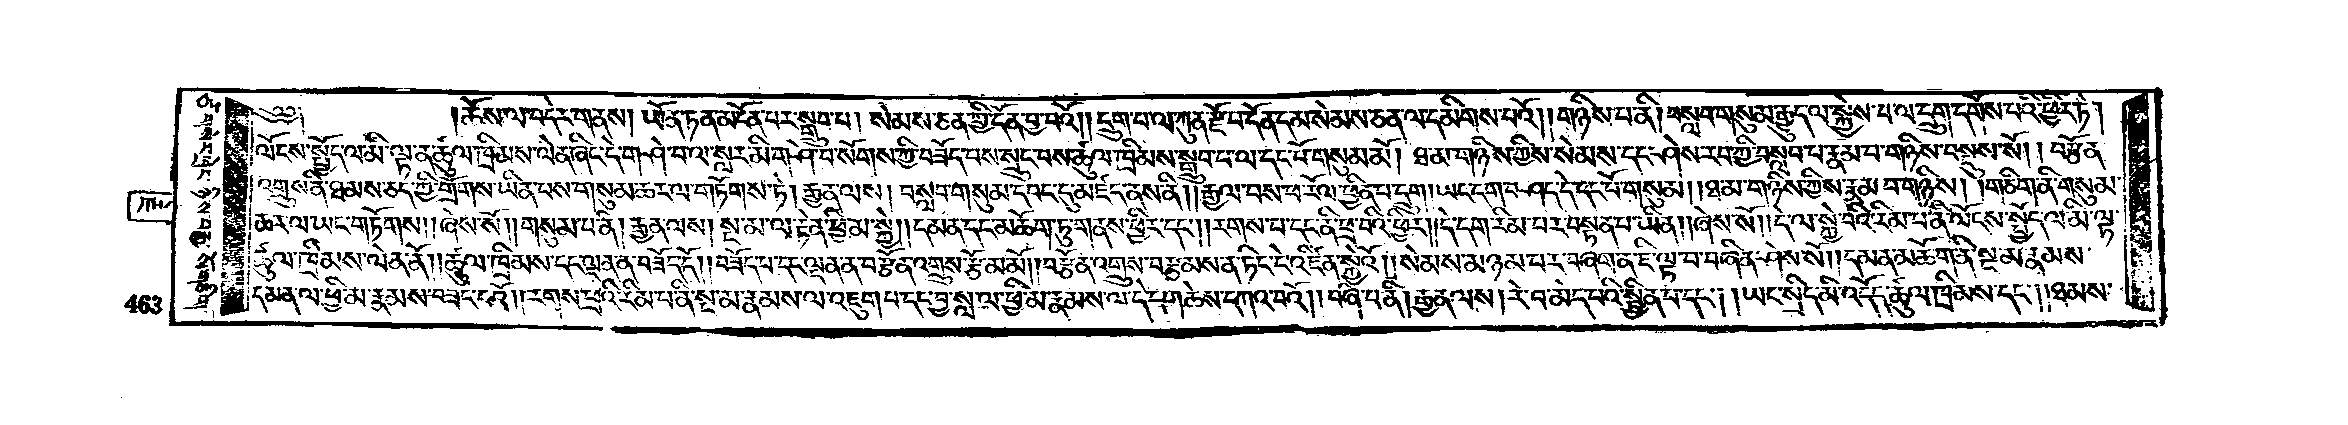༄༅། །ཆོས་ལ་བདེར་གནས། ཡོན་ཏན་མངོན་པར་སྒྲུབ་པ། སེམས་ཅན་གྱི་དོན་བྱ་བའོ། །དྲུག་པ་ལ་ཀུན་རྫོབ་དོན་དམ་སེམས་ཅན་ལ་དམིགས་པའོ། །གཉིས་པ་ནི། བསླབ་གསུམ་རྒྱུད་ལ་སྐྱེས་པ་ལ་དྲུག་དགོས་པའི་ཕྱིར་ཏེ།
ལོངས་སྤྱོད་ལ་མི་ལྟ་ན་ཚུལ་ཁྲིམས་ལེན་ཞིང་དེ་གཤེ་བ་ལ་སླར་མི་གཤེ་བ་སོགས་ཀྱི་བཟོད་པས་སྲུང་བས་ཚུལ་ཁྲིམས་སྒྲུབ་པ་ལ་དང་པོ་གསུམ་མོ། །ཐ་མ་གཉིས་ཀྱིས་སེམས་དང་ཤེས་རབ་ཀྱི་བསླབ་པ་རྣམ་པ་གཉིས་བསྡུས་སོ། །བརྩོན་
འགྲུས་ནི་ཐམས་ཅད་ཀྱི་གྲོགས་ཡིན་པས་གསུམ་ཆར་ལ་གཏོགས་ཏེ། རྒྱན་ལས། བསླབ་གསུམ་དབང་དུ་མཛད་ནས་ནི། །རྒྱལ་བས་ཕ་རོལ་ཕྱིན་པ་དྲུག །ཡང་དག་བཤད་དེ་དང་པོ་གསུམ། །ཐ་མ་གཉིས་ཀྱིས་རྣམ་པ་གཉིས། །གཅིག་ནི་གསུམ་
ཆར་ལ་ཡང་གཏོགས། །ཞེས་སོ། །གསུམ་པ་ནི། རྒྱན་ལས། སྔ་མ་ལ་རྟེན་ཕྱི་མ་སྐྱེ། །དམན་དང་མཆོག་ཏུ་གནས་ཕྱིར་དང་། །རགས་པ་དང་ནི་ཕྲ་བའི་ཕྱིར། །དེ་དག་རིམ་པར་བསྟན་པ་ཡིན། །ཞེས་སོ། །དེ་ལ་སྐྱེ་བའི་རིམ་པ་ནི་ལོངས་སྤྱོད་ལ་མི་ལྟ་
ཚུལ་ཁྲིམས་ལེན་ནོ། །ཚུལ་ཁྲིམས་དང་ལྡན་ན་བཟོད་དོ། །བཟོད་པ་དང་ལྡན་ན་བརྩོན་འགྲུས་རྩོམ་མོ། །བརྩོན་འགྲུས་བརྩམས་ན་ཏིང་ངེ་འཛིན་སྐྱེའོ། །སེམས་མཉམ་པར་བཞག་ན་ཇི་ལྟ་བ་བཞིན་ཤེས་སོ། །དམན་མཆོག་ནི་སྔ་མ་རྣམས་
དམན་ལ་ཕྱི་མ་རྣམས་བཟང་བའོ། །རགས་ཕྲའི་རིམ་པ་ནི་སྔ་མ་རྣམས་ལ་འཇུག་པ་དང་བྱ་སླ་ལ་ཕྱི་མ་རྣམས་ལ་དེ་དག་ཆོས་དཀའ་བའོ། །བཞི་པ་ནི། རྒྱན་ལས། རེ་བ་མེད་པའི་སྦྱིན་པ་དང་། །ཡང་སྲིད་མི་འདོད་ཚུལ་ཁྲིམས་དང་། །ཐམས་